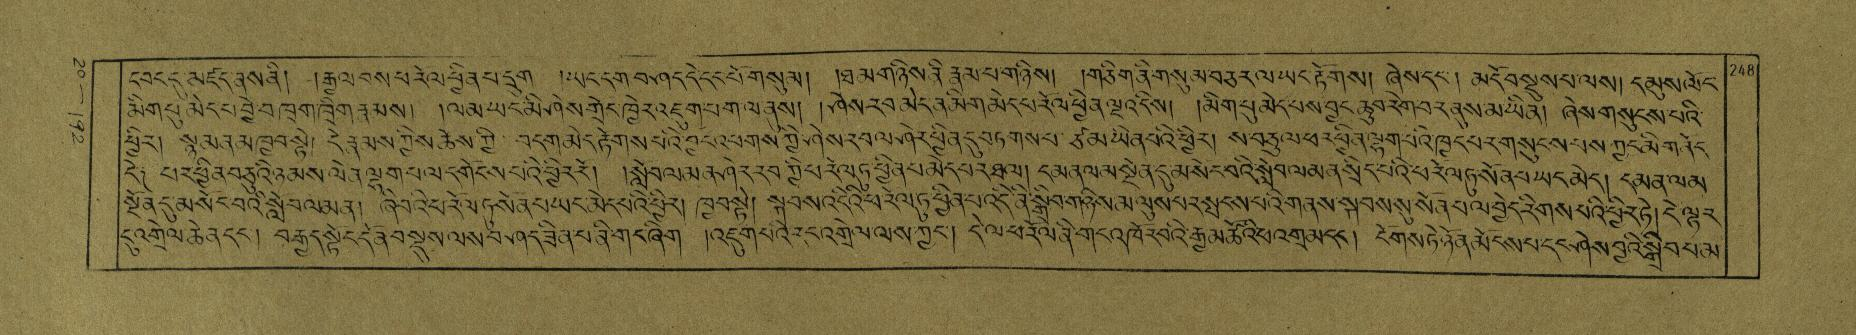དབང་དུ་མཛད་ནས་ནི། །རྒྱལ་བས་ཕ་རོལ་ཕྱིན་པ་དྲུག །ཡང་དག་བཤད་དེ་དང་པོ་གསུམ། །ཐ་མ་གཉིས་ནི་རྣམ་པ་གཉིས། །གཅིག་ནི་གསུམ་བཅར་ལ་ཡང་རྟོགས། ཞེས་དང་། མདོ་བསྡུས་པ་ལས། དམུས་ལོང་
མིག་པུ་མེད་པ་བྱེ་བ་ཁྲག་ཁྲིག་རྣམས། །ལམ་ཡང་མི་ཤེས་གྲོང་ཁྱེར་འཇུག་པ་ག་ལ་ནུས། །ཤེས་རབ་མེད་ན་མིག་མེད་ཕ་རོལ་ཕྱིན་ལྔ་འདིས། །མིག་པུ་མེད་པས་བྱང་ཆུབ་རེག་བར་ནུས་མ་ཡིན། ཞེས་གསུངས་པའི་
ཕྱིར། སྙམ་ན་མ་ཁྱབ་སྟེ། དེ་རྣམས་ཀྱིས་ཆོས་ཀྱི་བདག་མེད་རྟོགས་པའི་བྱང་འཕགས་ཀྱི་ཤེས་རབ་ལ་ཤེར་ཕྱིན་དུ་བཏགས་པ་ཙམ་ཡིན་པའི་ཕྱིར། ས་བཅུ་ལ་ཕར་ཕྱིན་ལྷག་པའི་ཁྱད་པར་གསུངས་པས་ཀྱང་མི་གནོད་
དེ༑ ཕར་ཕྱིན་བཅུའི་ཉམས་ལེན་ལྷག་པ་ལ་དགོངས་པའི་ཕྱིར་རོ། །སློབ་ལམ་ན་ཤེར་རབ་ཀྱི་ཕ་རོལ་ཏུ་ཕྱིན་པ་མེད་པར་ཐལ། དམན་ལམ་སྔོན་དུ་མ་སོང་བའི་སློབ་ལམ་ན་སྲིད་པའི་ཕ་རོལ་ཏུ་སོན་པ་ཡང་མེད། དམན་ལམ་
སྔོན་དུ་མ་སོང་བའི་སློབ་ལམ་ན། ཞི་བའི་ཕ་རོལ་ཏུ་སོན་པ་ཡང་མེད་པའི་ཕྱིར། ཁྱབ་སྟེ། སྐབས་འདིའི་ཕ་རོལ་ཏུ་ཕྱིན་པ་འདི་ནི་སྒྲིབ་གཉིས་མ་ལུས་པར་སྤངས་པའི་གནས་སྐབས་སུ་སོན་པ་ལ་བྱེད་རིགས་པའི་ཕྱིར་ཏེ། དེ་ལྟར་
དུ་འགྲེལ་ཆེན་དང་། བརྒྱད་སྟོང་དོན་བསྡུས་ལས་བཤད་ཟིན་པ་ནི་གང་ཞིག །འཇུག་པའི་རང་འགྲེལ་ལས་ཀྱང་། དེ་ལ་ཕ་རོལ་ནི་གང་འཁོར་བའི་རྒྱ་མཚོའི་ཕ་འགྲམ་དང་། ངོགས་ཏེ་ཉོན་མོངས་པ་དང་ཤེས་བྱའི་སྒྲིབ་པ་མ་